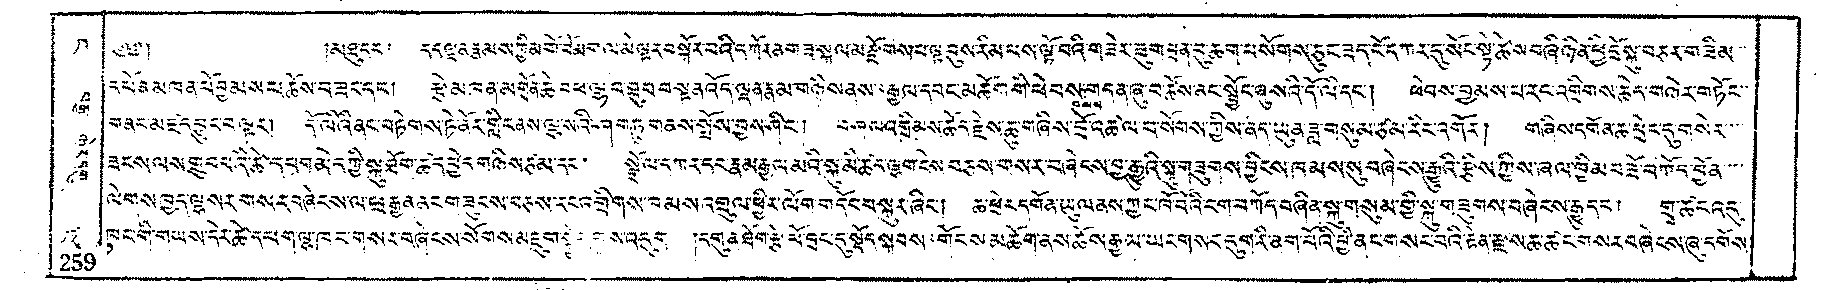༄༅། །མཐུ་དང་། དད་ལྡན་རྣམས་ཀྱི་མགོ་བོ་མགལ་མེ་ལྟར་བསྐོར་བའི་དཀོར་ནག་ཟ་སྐལ་མ་རྫོགས་པ་ལྟ་བུས་རིམ་པས་ལྟོ་བའི་གཟེར་ཟུག་ཕྲན་བུ་ཆག་པ་སོགས་ཅུང་ཟད་ངོ་དཀར་དུ་སོང་སྟེ་ཚེས་བཞི་ཉིན་ཕྱི་དྲོ་སྐུ་བཅར་གཟིམ་
དཔོན་མཁན་པོ་བྱམས་པ་ཆོས་བཟང་དང་། རྩེ་མཁན་མགྲོན་ཆེ་བ་ཕ་ལྷབ་ཐུབ་བསྟན་འོད་ལྡན་རྣམ་གཉིས་ནས་༧རྒྱལ་དབང་མཆོག་གི་ཕེབས་བྱམས་གདན་ཞུ་བ་ཚོས་ནང་སྦྱོང་ཞུ་སའི་དོ་ལི་དང་། ཕེབས་བྱམས་པ་རང་འགྲིགས་ཆེད་གཉེར་གཏོང་
གནང་མཛད་བྱུང་བ་ལྟར། དོ་ལིའི་ནང་བཏེགས་ཏེ་ནོར་གླིང་ནས་ལྷ་སའི་ཤག་ཏུ་གནས་སྤོས་བྱས་ཤིང་། བཤལ་འགྲིམས་ཆོད་རྗེས་ཆུ་གཞིས་བྲོ་འཚལ་བ་སོགས་ཀྱིས་ནད་ཡུན་ཟླ་གསུམ་ཙམ་རིང་འགོར། གཞིས་དགོན་ཆ་ཕྲེང་དུ་གསེར་
ཟངས་ལས་གྲུབ་པའི་ཚེ་དཔག་མེད་ཀྱི་སྐུ་ཐོག་ཚད་ཕྱེད་གཉིས་ཙམ་དང་། སྒྲོལ་དཀར་དང་རྣམ་རྒྱལ་མའི་སྐུ་མི་ཚད་ལྷག་ངེས་བཅས་གསར་བཞེངས་བྱ་རྒྱུའི་སྐུ་གཟུགས་བྱིངས་ཁམས་སུ་བཞེངས་རྒྱུའྷྲྩིས་ཀྱིས་ཞལ་ཁྱིམ་བཟོ་བཀོད་བྱོན་
ལེགས་ཁྱད་ལྷ་སར་གསར་བཞེངས་ལ་ཕྲ་རྒྱན་ནང་གཟུངས་བཅས་རང་འགྲིགས་ཁམས་འགྲུལ་ཕྱིར་ལོག་གདོང་བསྐུར་ཞིང་། ཆ་ཕྲེང་དགོན་ཡུལ་ནས་ཀྱང་ཁོ་བོའི་ངག་བཀོད་བཞིན་སྐུ་གསུམ་གྱི་སྐུ་གཟུགས་བཞེངས་རྒྱུ་དང་། གྲྭ་ཚང་འདུ་
ཁང་གི་གཡས་དེར་ཚེ་དཔག་ལྷ་ཁང་གསར་བཞེངས་སོགས་མཇུག་སྐྱོང་བྱས་འདུག །དགུན་ཐོག་རྩེ་ཕོ་བྲང་དུ་སྡོད་སྐབས་༧གོང་ས་མཆོག་ནས་ཆོས་རྒྱལ་ཡང་གསང་དུག་རི་ནག་པོའི་ཕྱི་ནང་གསང་བའི་རྟེན་རྫས་ཆ་ཚང་གསར་བཞེངས་ཞུ་དགོས་